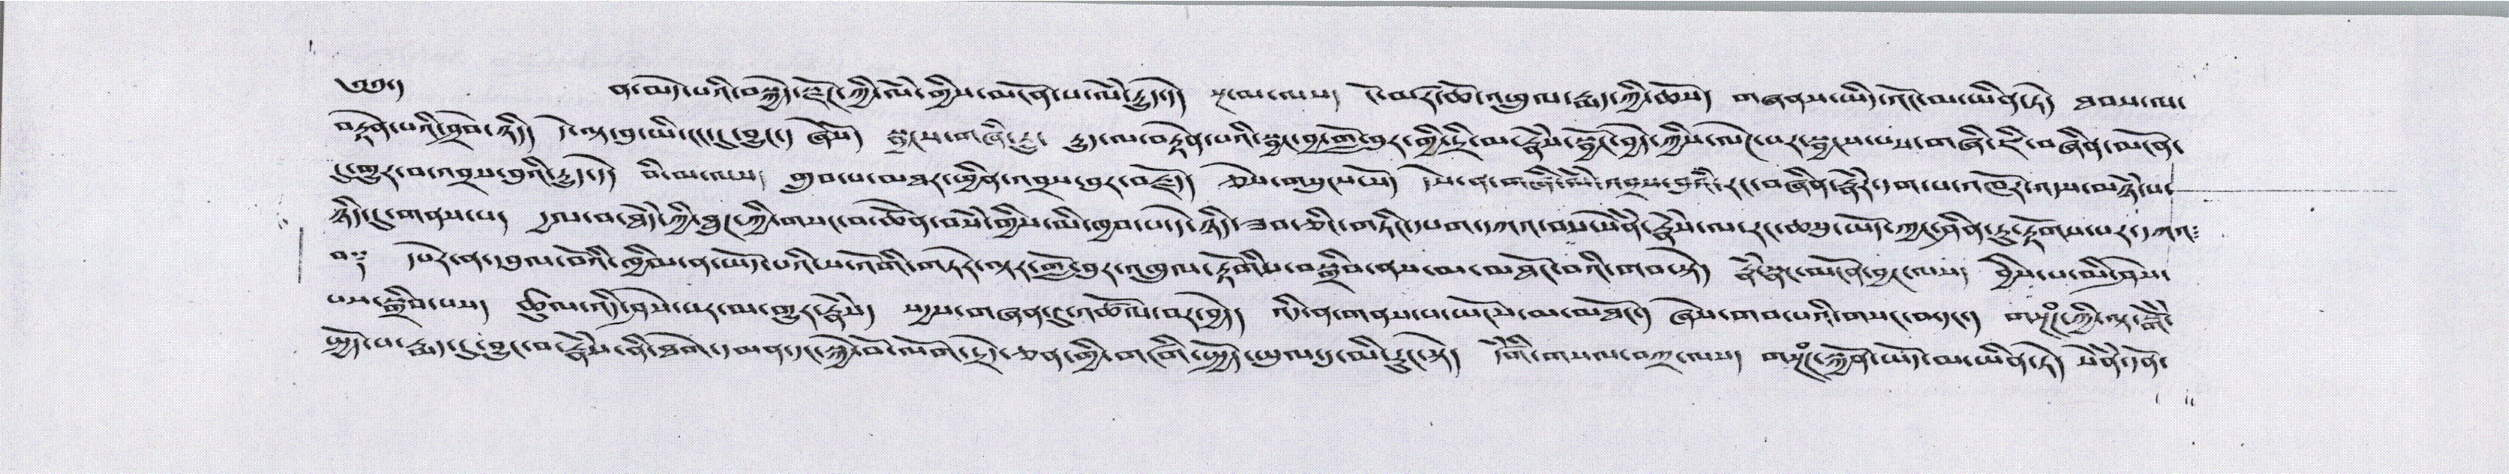ན་མེད་པའི་བསྐྱེད་རྫོགས་ཀྱི་ལམ་གྱིས་མངོན་པ་ལམ་རྒྱུད་དེ། སྔ་མ་ལས། ངོ་མཚར་ཆོ་འཕྲུལ་རྨད་ཀྱི་ཆོས། གཞན་ནས་ཡིད་འོང་མ་ཡིན་ཏེ། ཐབས་ལ་
བརྟེན་པའི་ཤེས་རབ་ཉིད། དེ་ལྟ་བུ་ཡི་ངང་དུ་བྱུང། ཞེས་སོ། སྦྱངས་གཞི་རྒྱུ། རྒྱུད་ལ་བརྟེན་པའི་སྦྱང་བྱ་གློ་བུར་གྱི་དྲི་མ་རྣམས་སྦྱོང་བྱེད་ཀྱིས་ལེགས་པར་སྦྱངས་པས་གཞི་ཇི་བཞིན་མངོན་
དུ་གྱུར་བ་འབྲས་བུའི་རྒྱུད་དེ། བི་མ་ལས། གྲུབ་པ་མཐར་ཕྱིན་འབྲས་བུར་བརྗོད། ཅེས་གསུངས་སོ། དེས་ན་གཞི་ལམ་འབྲས་བུའི་རང་བཞིན་རྣམ་པར་དག་པ་འཁོར་འདས་མཉམ་པ་
ཉིད་དུ་གནས་པ། རྒྱལ་བ་ཐམས་ཅད་ཀྱི་ཐུགས་ཀྱི་གསང་བ་ཆེན་པོ་བསམ་གྱིས་མི་ཁྱབ་པ་དེ་ཉིད་ཟབ་ཅིང་གཏིང་དཔག་དཀའ་བས་སེམས་ཅན་རྣམས་ལ་རང་ཆས་སུ་ཡོད་ཀྱང་ཤིན་ཏུ་རྟོགས་པར་དཀའ་
བ། དཔེར་ན་དབུལ་བོའི་ཁྱིམ་ན་ཡོད་པའི་ས་འོག་གི་གཏེར་ལྟར་གློ་བུར་འཁྲུལ་རྟོགས་གིས་བསྒྲིབ་ནས་མ་མཐོང་བའི་གབ་སྟེ། རྣམ་སྣང་མངོན་བྱང་ལས། བྱིས་པ་མི་ཤེས་
པས་སྒྲིབ་པས། ཚུལ་འདི་ཤེས་པར་མ་གྱུར་རྣམས། སངས་རྒྱས་གཞན་དུ་འཚོལ་བར་བྱེད། འདི་ན་གནས་པ་ཡོངས་མ་མཐོང། ཞེས་གབ་པའི་གསང་བ་དང། གསང་སྔགས་ཀྱི་ལྟ་སྒོམ་
སྤྱོད་པ་རྨད་དུ་བྱུང་བ་རྣམས་ནི་ཐེག་དམན་དང་སྐྱེ་བོ་ལོག་དྲེད་ཅན་གྱི་གང་ཟག་གི་སྤྱོད་ཡུལ་དུ་མི་རུང་སྟེ། དམ་ཚིག་གསལ་བཀྲ་ལས། གསང་སྔགས་སྐྱོན་ཡོད་མ་ཡིན་ཏེ། སེམས་ཅན་དོན་